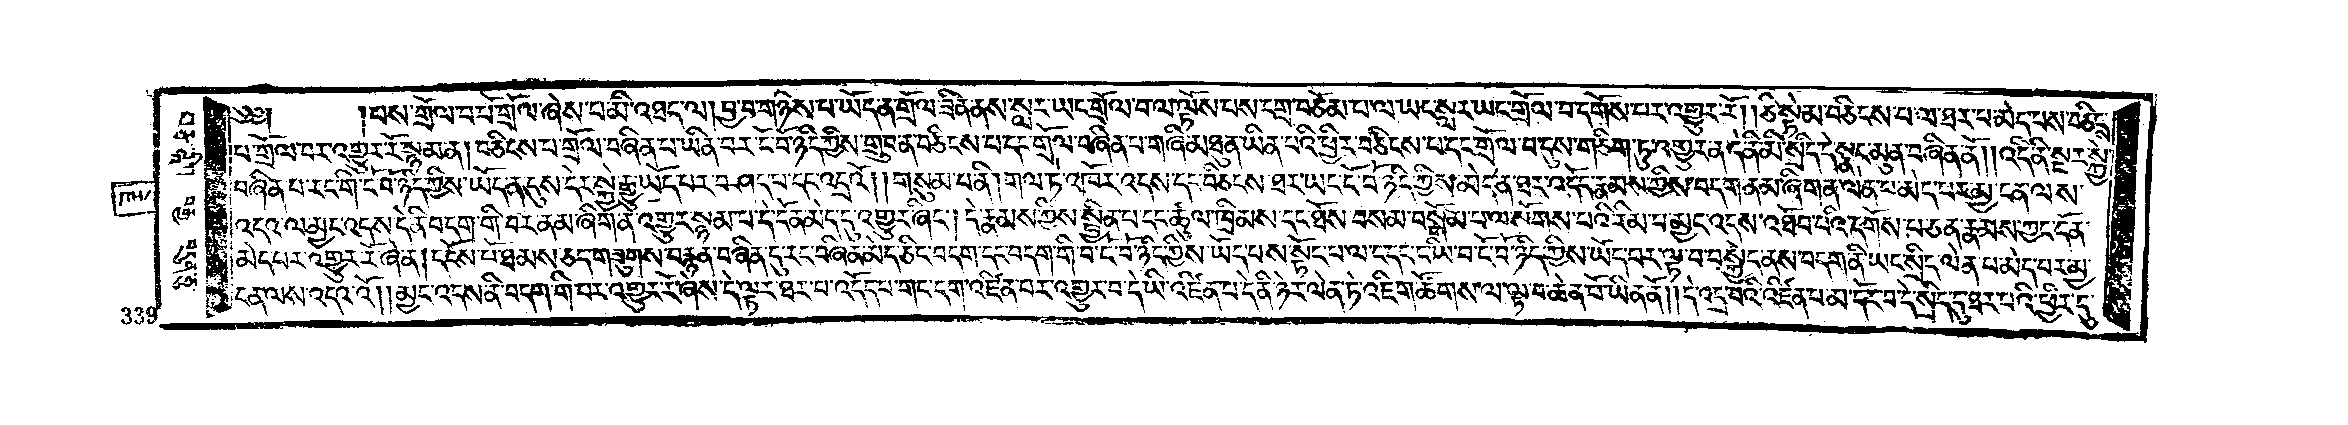༄༅། །པས་གྲོལ་པ་པོ་གྲོལ་ཞེས་པ་མི་འཐད་ལ། བྱ་བ་གཉིས་པ་ཡོད་ན་གྲོལ་ཟིན་ནས་སླར་ཡང་གྲོལ་བ་ལ་ལྟོས་པས་དགྲ་བཅོམ་པ་ལ་ཡང་སླར་ཡང་གྲོལ་བ་དགོས་པར་འགྱུར་རོ། །ཅི་སྟེ་མ་བཅིངས་པ་ལ་ཐར་པ་མེད་པས་བཅིངས་
པ་གྲོལ་བར་འགྱུར་རོ་སྙམ་ན། བཅིངས་པ་གྲོལ་བཞིན་པ་ཡིན་པར་ངོ་བོ་ཉིད་ཀྱིས་གྲུབ་ན་བཅིངས་པ་དང་གྲོལ་བཞིན་པ་གཞི་མཐུན་ཡིན་པའི་ཕྱིར་བཅིངས་པ་དང་གྲོལ་བ་དུས་གཅིག་ཏུ་འགྱུར་ན་དེ་ནི་མི་སྲིད་དེ་སྣང་མུན་བཞིན་ནོ། །འདི་ནི་སྔར་སྐྱེ་
བཞིན་པ་རང་གི་ངོ་བོ་ཉིད་ཀྱིས་ཡོད་ན་དུས་དེར་སྐྱེ་རྒྱུ་ཡོད་པར་བཤད་པ་དང་འདྲའོ། །གསུམ་པ་ནི། གལ་ཏེ་འཁོར་འདས་དང་བཅིངས་ཐར་ཡང་ངོ་བོ་ཉིད་ཀྱིས་མེད་ན་ཐར་འདོད་རྣམས་ཀྱིས་བདག་ནམ་ཞིག་ན་ལེན་པ་མེད་པར་མྱ་ངན་ལས་
འདའ་ལ་མྱང་འདས་དེ་ནི་བདག་གི་བར་ནམ་ཞིག་ནི་འགྱུར་སྙམ་པ་དེ་དེ་ན་མེད་དུ་འགྱུར་ཞིང་། དེ་རྣམས་ཀྱིས་སྦྱིན་པ་དང་ཚུལ་ཁྲིམས་དང་ཐོས་བསམ་བསྒོམ་པ་ལ་སོགས་པའི་རིམ་པ་མྱང་འདས་འཐོབ་པའི་དགོས་པ་ཅན་རྣམས་ཀྱང་དོན་
མེད་པར་འགྱུར་རོ་ཞེ་ན། དངོས་པོ་ཐམས་ཅད་གཟུགས་བརྙན་བཞིན་དུ་རང་བཞིན་མེད་ཅིང་བདག་དང་བདག་གི་བ་ངོ་བོ་ཉིད་ཀྱིས་ཡོད་པས་སྟོང་པ་ལ་ང་དང་ང་ཡི་བ་ངོ་བོ་ཉིད་ཀྱིས་ཡོད་པར་ལྟ་བ་བསྐྱེད་ནས་བདག་ནི་ཡང་སྲིད་ལེན་པ་མེད་པར་མྱ་
ངན་ལས་འདའ་འོ། །མྱང་འདས་ནི་བདག་གི་བར་འགྱུར་རོ་ཞེས་དེ་ལྟར་ཐར་པ་འདོད་པ་གང་དག་འཛིན་པར་འགྱུར་བ་དེ་ཡི་འཛིན་པ་དེ་ནི་ཉེར་ལེན་ཏེ་འཇིག་ཚོགས་ལ་ལྟ་བ་ཆེན་པོ་ཡིན་ནོ། །དེ་འདྲ་བའི་འཛིན་པ་མ་དོར་བ་དེ་སྲིད་དུ་ཐར་པའི་ཕྱིར་དུ་